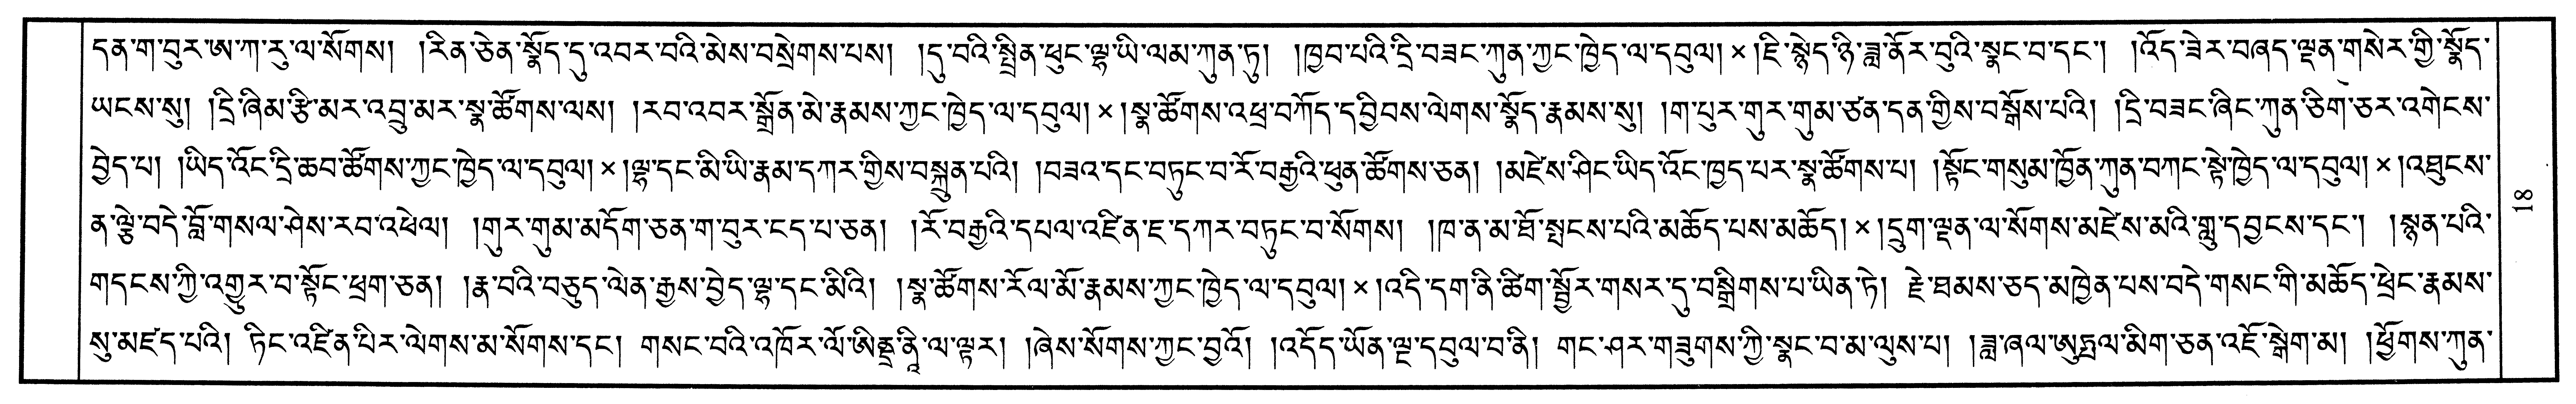དན་ག་བུར་ཨ་ཀ་རུ་ལ་སོགས། །རིན་ཅེན་སྣོད་དུ་འབར་བའི་མེས་བསྲེགས་པས། །དུ་བའི་སྤྲིན་ཕུང་ལྷ་ཡི་ལམ་ཀུན་ཏུ། །ཁྱབ་པའི་དྲི་བཟང་ཀུན་ཀྱང་ཁྱེད་ལ་དབུལ། ྾་།ཇི་སྙེད་ཉི་ཟླ་ནོར་བུའི་སྣང་བ་དང་། །འོད་ཟེར་བཞད་ལྡན་གསེར་གྱི་སྣོད་
ཡངས་སུ། །དྲི་ཞིམ་རྩི་མར་འབྲུ་མར་སྣ་ཚོགས་ལས། །རབ་འབར་སྒྲོན་མེ་རྣམས་ཀྱང་ཁྱེད་ལ་དབུལ། ྾་།སྣ་ཚོགས་འཕྲ་བཀོད་དབྱིབས་ལེགས་སྣོད་རྣམས་སུ། །ག་པུར་གུར་གུམ་ཙན་དན་གྱིས་བསྒོས་པའི། །དྲི་བཟང་ཞིང་ཀུན་ཅིག་ཅར་འགེངས་
བྱེད་པ། །ཡིད་འོང་དྲི་ཆབ་ཚོགས་ཀྱང་ཁྱེད་ལ་དབུལ། ྾་།ལྷ་དང་མི་ཡི་རྣམ་དཀར་གྱིས་བསྐྲུན་པའི། །བཟའ་དང་བཏུང་བ་རོ་བརྒྱའི་ཕུན་ཚོགས་ཅན། །མཛེས་ཤིང་ཡིད་འོང་ཁྱད་པར་སྣ་ཚོགས་པ། །སྟོང་གསུམ་ཁྱོན་ཀུན་བཀང་སྟེ་ཁྱེད་ལ་དབུལ། ྾་།འཐུངས་
ན་ལྕེ་བདེ་བློ་གསལ་ཤེས་རབ་འཕེལ། །གུར་གུམ་མདོག་ཅན་ག་བུར་ངད་པ་ཅན། །རོ་བརྒྱའི་དཔལ་འཛིན་ཇ་དཀར་བཏུང་བ་སོགས། །ཁ་ན་མ་ཐོ་སྤངས་པའི་མཆོད་པས་མཆོད། ྾་།དྲུག་ལྡན་ལ་སོགས་མཛེས་མའི་གླུ་དབྱངས་དང་། །སྙན་པའི་
གདངས་ཀྱི་འགྱུར་བ་སྟོང་ཕྲག་ཅན། །རྣ་བའི་བཅུད་ལེན་རྒྱས་བྱེད་ལྷ་དང་མིའི། །སྣ་ཚོགས་རོལ་མོ་རྣམས་ཀྱང་ཁྱེད་ལ་དབུལ། ྾་། འདི་དག་ནི་ཚིག་སྦྱོར་གསར་དུ་བསྒྲིགས་པ་ཡིན་ཏེ། རྗེ་ཐམས་ཅད་མཁྱེན་པས་བདེ་གསང་གི་མཆོད་ཕྲེང་རྣམས་
སུ་མཛད་པའི། ཏིང་འཛིན་པིར་ལེགས་མ་སོགས་དང་། གསང་བའི་འཁོར་ལོ་ཨིནྡྲ་ནཱི་ལ་ལྟར། །ཞེས་སོགས་ཀྱང་བྱའོ། །འདོད་ཡོན་ལྔ་དབུལ་བ་ནི། གང་ཤར་གཟུགས་ཀྱི་སྣང་བ་མ་ལུས་པ། ཟླ་ཞལ་ཨུཏྤལ་མིག་ཅན་འཇོ་སྒེག་མ། །ཕྱོགས་ཀུན་